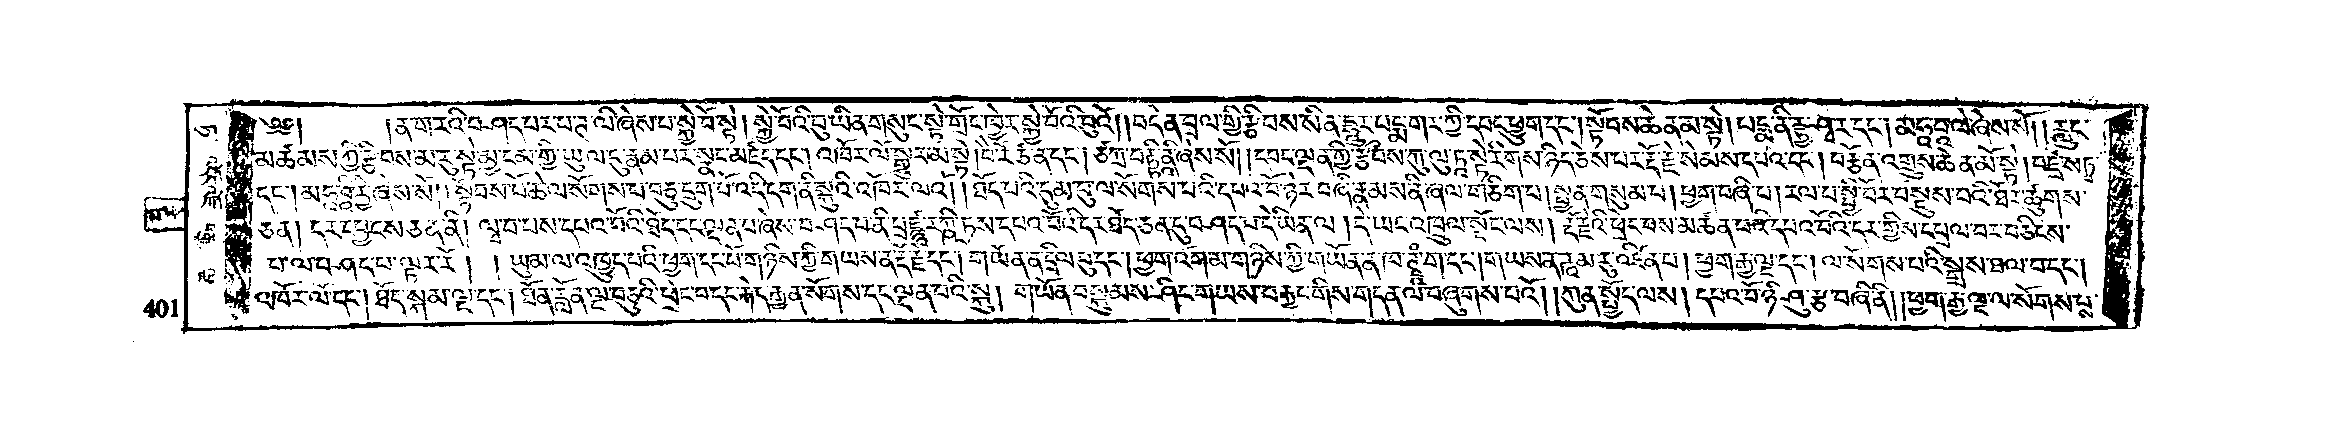༄༅། །ན་ག་རའི་བཤད་པར་པ་ཊ་ལི་ཞེས་པ་སྐྱེ་བོ་སྟེ། སྐྱེ་བོའི་བུ་ཡིན་གསུང་སྟེ་གྲོང་ཁྱེར་སྐྱེ་བོའི་བུའོ། །བདེན་བྲལ་གྱི་རྩིབས་སིན་དྷཱུར་པདམ་གར་གྱི་དབང་ཕྱུག་དང་། སྟོབས་ཆེན་མ་སྟེ། པདམ་ནི་རྟྱ་སྭ་ར་དང་། མཧཱ་བཱ་ལེ་ཞེས་སོ། །རླུང་
མཚམས་ཀྱི་རྩིབས་མ་རུ་སྟེ་མྱ་ངམ་གྱི་ཡུལ་དུ་རྣམ་པར་སྣང་མཛད་དང་། འཁོར་ལོ་སྒྱུར་མ་སྟེ། བཻ་རོ་ཙ་ན་དང་། ཙྐྲ་བྲྟྟི་ནཱི་ཞེས་སོ། །དབང་ལྡན་གྱི་རྩིབས་ཀུ་ལུ་ཏཱ་སྟེ་རིགས་ཉིད་ཅེས་པར་རྡོ་རྗེ་སེམས་དཔའ་དང་། བརྩོན་འགྲུས་ཆེན་མོ་སྟེ། བཛྲ་སཏྭ་
དང་། མཧཱ་བཱི་རྱོ་ཞེས་སོ། །སྟོབས་པོ་ཆེ་ལ་སོགས་པ་བཅུ་དྲུག་པོ་འདི་དག་ནི་སྐུའི་འཁོར་ལོའོ། །ཐོད་པའི་དུམ་བུ་ལ་སོགས་པའི་དཔའ་བོ་ཉེར་བཞི་རྣམས་ནི་ཞལ་གཅིག་པ། སྤྱན་གསུམ་པ། ཕྱག་བཞི་པ། ཕྱག་བཞི་པ། རལ་པ་སྤྱི་བོར་བསྡུས་པའི་ཐོར་ཚུགས་
ཅན། དར་དབྱངས་ཅན་ནི། ལྭ་བ་པས་དཔའ་བོའི་ཐོད་དང་ལྡན་པ་ཞེས་བཤད་པ་ནི་པྲཛྙཱ་རཀྵི་ཏས་དཔའ་བོའི་དར་ཐོད་ཅན་དུ་བཤད་པ་དེ་ཡིན་ལ། དེ་ཡང་འཁྲུལ་སྡོང་ལས། རྡོ་རྗེའི་ཕྲེང་བས་མཚན་པའི་དཔའ་བོའི་དར་གྱིས་དཔྲལ་བར་བཅིངས་
པ་ལ་བཤད་པ་ལྟར་རོ། །ཡུམ་ལ་འཁྱུད་པའི་ཕྱག་དང་པོ་གཉིས་ཀྱི་གཡས་ན་རྡོ་རྗེ་དང་། གཡོན་ན་དྲིལ་བུ་དང་། ཕྱག་འོག་མ་གཉིས་ཀྱི་གཡོན་ན་ཁ་ཊྭཾ་ག་དང་། གཡས་ན་ཌཱ་མ་རུ་འཛིན་པ། ཕྱག་རྒྱ་ལྔ་དང་། ལ་སོགས་པའི་སྒྲས་ཐལ་བ་དང་།
འཁོར་ལོ་དང་། ཐོད་སྐམ་ལྔ་དང་། ཐོན་རློན་ལྔ་བཅུའི་ཕྲེང་བ་དང་རྐྱེད་རྒྱན་སོགས་དང་ལྡན་པའི་སྐུ། གཡོན་བསྐུམས་ཤིང་གཡས་བརྐྱང་གིས་གདན་ལ་བཞུགས་པའོ། །ཀུན་སྤྱོད་ལས། དཔའ་བོ་ཉི་ཤུ་རྩ་བཞི་ནི། །ཕྱག་རྒྱ་ལྔ་ལ་སོགས་པས་